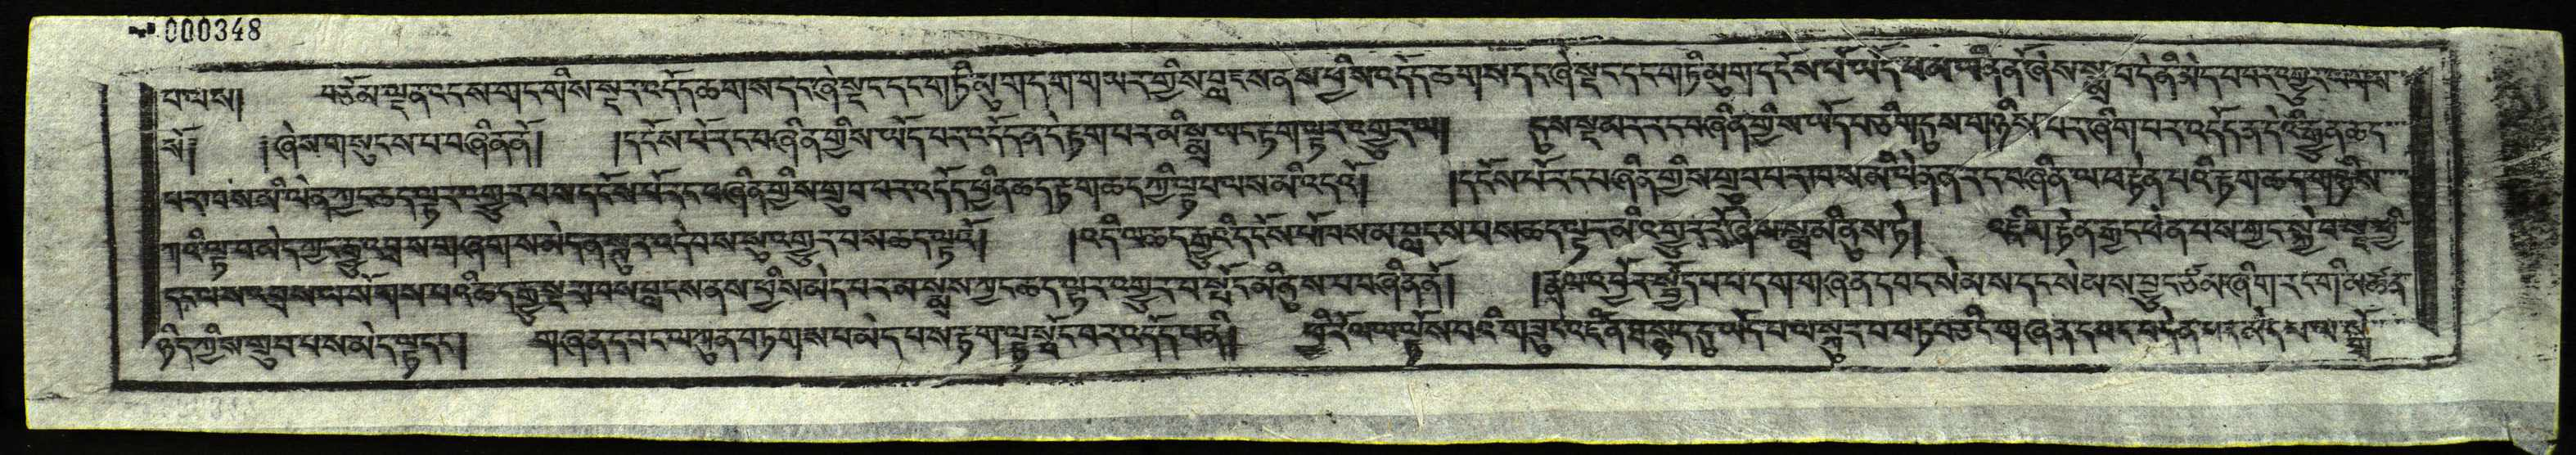པ་ལས། བཅོམ་ལྡན་འདས་གང་གིས་སྔར་འདོད་ཆགས་དང་ཞེ་སྡང་དང་གཏི་མུག་དག་གཡར་གྱིས་བླངས་ནས་ཕྱིས་འདོད་ཆགས་དང་ཞེ་སྡང་དང་གཏི་མུག་དངོས་པོ་ཡོད་པ་མ་ཡིན་ནོ་ཞེས་སྨྲ་བ་དེ་ནི་མེད་པ་བར་འགྱུར་ལགས་
སོ༑ ༑ཞེས་གསུངས་པ་བཞིན་ནོ། །དངོས་པོ་རང་བཞིན་གྱིས་ཡོད་པར་འདོད་ན་དེ་རྟག་པར་མི་སྨྲ་ཡང་རྟག་ལྟར་འགྱུར་ལ། དུས་སྔ་མར་རང་བཞིན་གྱིས་ཡོད་པ་ཅིག་དུས་གཉིས་པར་ཞིག་པར་འདོད་ན་དེའི་རྒྱུན་ཆད་
པར་ཁས་མི་ལེན་ཀྱང་ཆད་ལྟར་འགྱུར་བས་དངོས་པོ་རང་བཞིན་གྱིས་གྲུབ་པར་འདོད་ཕྱིན་ཆད་རྟག་ཆད་ཀྱི་ལྟ་བ་ལས་མི་འདའོ། །དངོས་པོ་རང་བཞིན་གྱིས་གྲུབ་པར་ཁས་མི་ལེན་ན་རང་བཞིན་ལ་བརྟེན་པའི་རྟག་ཆད་གཉིས་
ཀའི་ལྟ་བ་མེད་ཀྱང་རྒྱུ་འབྲས་གཞག་ས་མེད་ན་སྐུར་འདེབས་སུ་འགྱུར་བས་ཆད་ལྟའོ། །འདི་ལ་ཆད་རྒྱུའི་དངོས་པོ་ཁས་མ་བླངས་པས་ཆད་ལྟར་མི་འགྱུར་རོ་ཞེས་སྨྲ་མི་ནུས་ཏེ། འཇིག་རྟེན་རྒྱང་ཕེན་པས་ཀྱང་སྐྱེ་བ་སྔ་ཕྱི་
དང་ལས་འབྲས་ལ་སོགས་པའི་ཆད་རྒྱུ་སྔར་ཁས་བླངས་ནས་ཕྱིས་མེད་པར་མ་སྨྲས་ཀྱང་ཆད་ལྟར་འགྱུར་བ་སྤོང་མི་ནུས་པ་བཞིན་ནོ། །རྣལ་འབྱོར་སྤྱོད་པ་བདག་གཞན་དབང་སེམས་དང་སེམས་བྱུང་ཙམ་ཞིག་རང་གི་མཚན་
ཉིད་ཀྱིས་གྲུབ་པས་མེད་ལྟ་དང་། གཞན་དབང་ལ་ཀུན་བཏགས་པ་མེད་པས་རྟག་ལྟ་སྤོང་བར་འདོད་པ་ནི། ཕྱི་རོལ་ལ་ལྟོས་པའི་གཟུང་འཛིན་ཐ་སྙད་དུ་ཡོད་པ་ལ་སྐུར་བ་བཏབ་ཅིང་གཞན་དབང་བདེན་པར་མེད་པ་ལ་སྒྲོ་